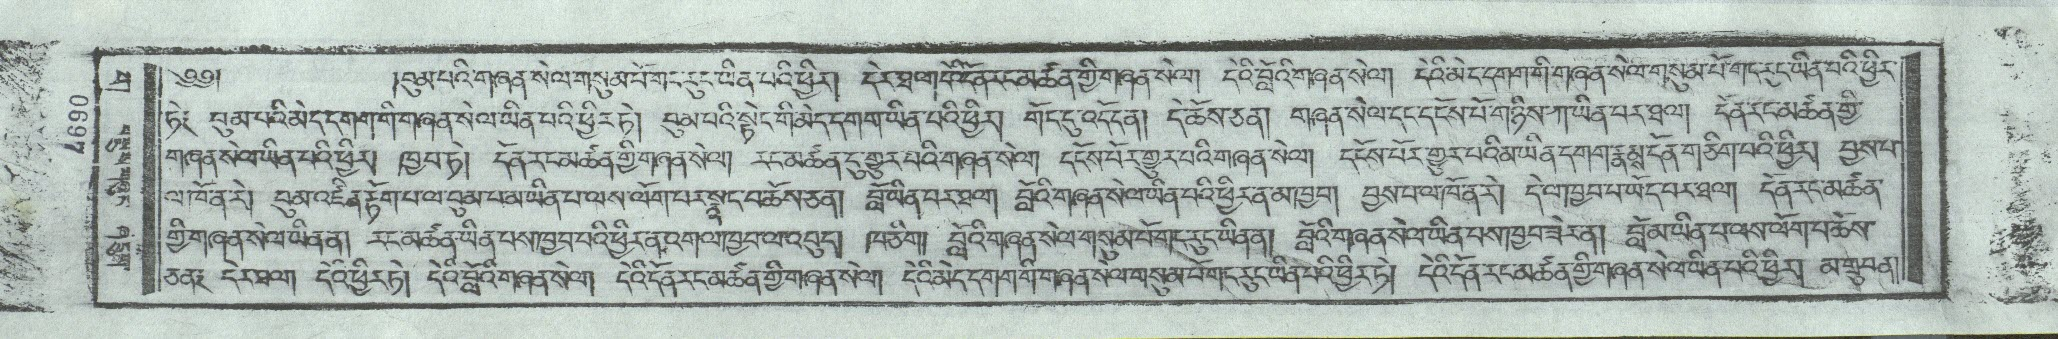༄༅། །བུམ་པའི་གཞན་སེལ་གསུམ་པོ་གང་རུང་ཡིན་པའི་ཕྱིར། དེར་ཐལ། དེའི་དོན་རང་མཚན་གྱི་གཞན་སེལ། དེའི་བློའི་གཞན་སེལ། དེའི་མེད་དགག་གི་གཞན་སེལ་གསུམ་པོ་གང་རུང་ཡིན་པའི་ཕྱིར་
ཏེ༑ བུམ་པའི་མེད་དགག་གི་གཞན་སེལ་ཡིན་པའི་ཕྱིར་ཏེ། བུམ་པའི་སྟེང་གི་མེད་དགག་ཡིན་པའི་ཕྱིར། གོང་དུ་འདོད་ན། དེ་ཆོས་ཅན། གཞན་སེལ་དང་དངོས་པོ་གཉིས་ཀ་ཡིན་པར་ཐལ། དོན་རང་མཚན་གྱི་
གཞན་སེལ་ཡིན་པའི་ཕྱིར། ཁྱབ་ཏེ། དོན་རང་མཚན་གྱི་གཞན་སེལ། རང་མཚན་དུ་གྱུར་པའི་གཞན་སེལ། དངོས་པོར་གྱུར་པའི་གཞན་སེལ། དངོས་པོར་གྱུར་པའི་མ་ཡིན་དགག་རྣམས་དོན་གཅིག་པའི་ཕྱིར། བྱས་པ་
ལ་ཁོ་ན་རེ། བུམ་འཛིན་རྟོག་པ་ལ་བུམ་པ་མ་ཡིན་པ་ལས་ལོག་པར་སྣང་བ་ཆོས་ཅན། བློ་ཡིན་པར་ཐལ། བློའི་གཞན་སེལ་ཡིན་པའི་ཕྱིར་ན་མ་ཁྱབ། བྱས་པ་ལ་ཁོ་ན་རེ། དེ་ལ་ཁྱབ་པ་ཡོད་པར་ཐལ། དོན་རང་མཚན་
གྱི་གཞན་སེལ་ཡིན་ན། རང་མཚན་ཡིན་པས་ཁྱབ་པའི་ཕྱིར་ན་འགལ་ཁྱབ་ལ་འབུད། ཁ་ཅིག། བློའི་གཞན་སེལ་གསུམ་པོ་གང་རུང་ཡིན་ན། བློའི་གཞན་སེལ་ཡིན་པས་ཁྱབ་ཟེར་ན། བློ་མ་ཡིན་པ་ལས་ལོག་པ་ཆོས་
ཅན༑ དེར་ཐལ། དེའི་ཕྱིར་ཏེ། དེའི་བློའི་གཞན་སེལ། དེའི་དོན་རང་མཚན་གྱི་གཞན་སེལ། དེའི་མེད་དགག་གི་གཞན་སེལ་གསུམ་པོ་གང་རུང་ཡིན་པའི་ཕྱིར་ཏེ། དེའི་དོན་རང་མཚན་གྱི་གཞན་སེལ་ཡིན་པའི་ཕྱིར། མ་གྲུབ་ན།